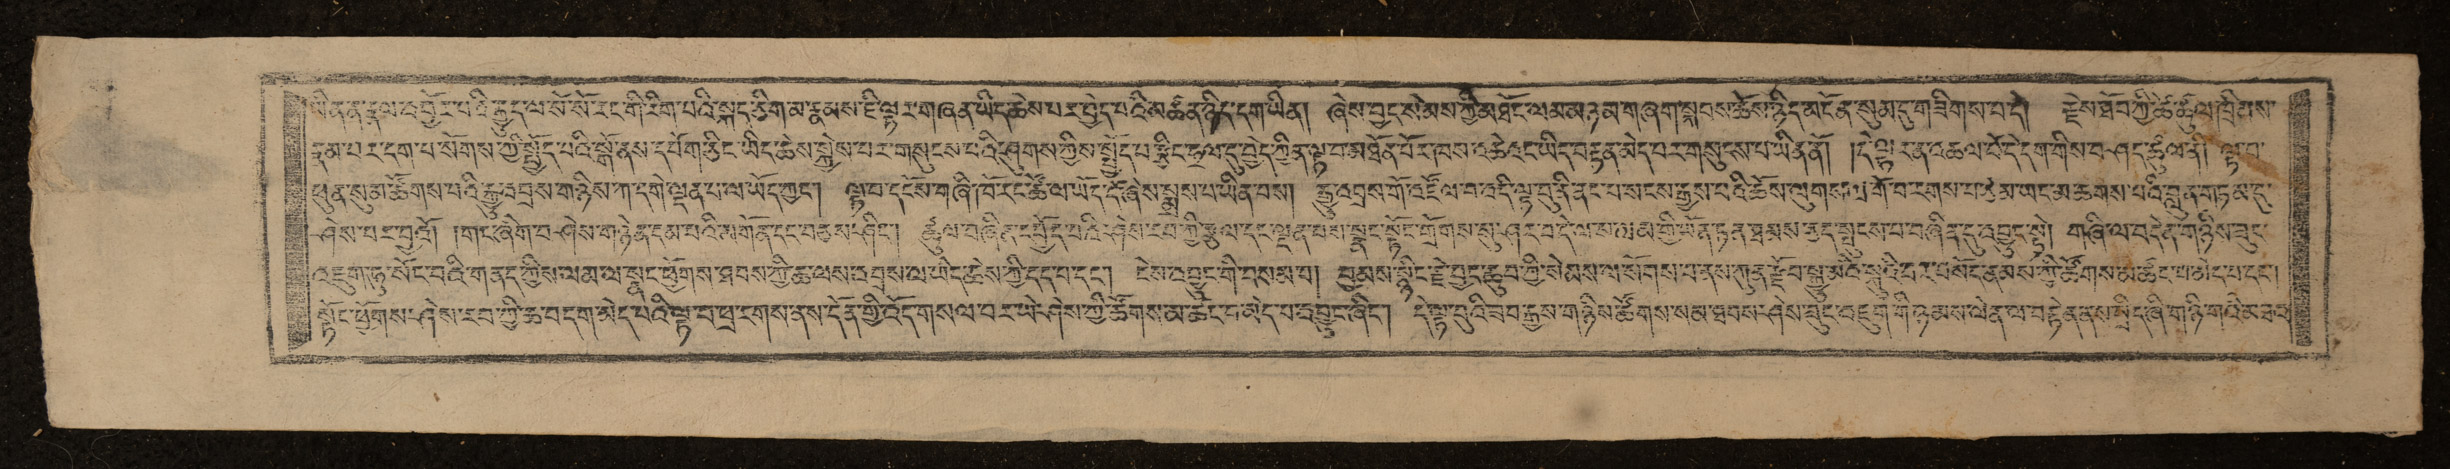ཡིན་ན་རྣལ་འབྱོར་པའི་རྒྱུད་ལ་སོ་སོ་རང་གི་རིག་པའི་སྐད་ཅིག་མ་རྣམས་ཇི་ལྟར་གཞན་ཡིད་ཆེས་བར་བྱེད་བའི་མཚན་ཉིད་དག་ཡིན། ཞེས་བྱང་སེམས་ཀྱི་མཐོང་ལས་མཉམ་གཞག་སྐབས་ཆོས་ཉིད་མངོན་སུམ་དུ་གཟིགས་པ་དེ། རྗེས་ཐེབ་ཀྱི་ཚེ་ཚུལ་ཁྲིམས་
རྣམ་པར་དག་པ་སོགས་ཀྱི་སྤྱོད་པའི་སྒོ་ནས་དཔོག་ཅིང་ཡིད་ཆེས་སྐྱེས་པར་གསུངས་པའི་ཤུགས་ཀྱིས་སྤྱོད་པ་རྩིང་ཧྲལ་དུ་བྱེད་ཀྱིན་ལྟ་བ་མཐོན་པོར་ཁས་འཆེའང་ཡིད་བརྟན་མེད་པར་གསུངས་པ་ཡིན་ནོ། །དེ་ལྟར་ན་འཆལ་པོ་དེ་དག་གིས་བཤད་ཚུལ་ནི། ལྟ་བ་
ཕུན་སུམ་ཚོགས་པའི་རྒྱུ་འབྲས་གཉིས་ཀ་དགེ་ལྡན་པ་ལ་ཡོད་ཀྱང་། ལྟ་བ་དངོས་གཞི་ཁོ་རང་ཚོལ་ཡོད་དོ་ཞེས་སྨྲས་པ་ཡིན་པས། རྒྱུ་འབྲས་གོ་འཛོལ་བ་འདི་ལྟ་བུ་ནི་ནང་བ་སངས་རྒྱས་པའི་ཆོས་ལུགས་ལ་གོ་བ་རགས་པ་ཙམ་ཡང་མ་ཆགས་པའི་བླུན་གཏམ་དུ་
ཤེས་པར་བྱའོ། །གང་ཞིག་བཤེས་གཉེན་དམ་པའི་མགོན་དང་བཅས་ཤིང་། ཚུལ་བཞིན་དཔྱོད་པའི་ཤེས་རབ་ཀྱི་རྩལ་དང་ལྡན་པས་སྣང་སྟོང་གྲོགས་སུ་ཤར་བདེ་ལས་ལམ་གྱི་ཡོན་ཏན་ཐམས་ཅད་སྤུངས་པ་བཞིན་དུ་འབྱུང་སྟེ། གཞི་ལ་བདེན་གཉིས་ཟུང་
འཇུག་ཏུ་སོང་བའི་གནད་ཀྱིས་ལམ་ལ་སྣང་ཕྱོགས་ཐབས་ཀྱི་ཆ་ལས་འབྲས་ལ་ཡིད་ཆེས་ཀྱི་དད་བ་དང་། ངེས་འབྱུང་གི་བསམ་པ། བྱམས་སྙིང་རྗེ་བྱང་ཆུབ་ཀྱི་སེམས་ལ་སོགས་པ་ནས་ཀུན་རྫོབ་སྒྱུ་མའི་སྐུའི་བར་བསོད་ནམས་ཀྱི་ཚོགས་མ་ཚང་བ་མེད་པ་དང་།
སྟོང་ཕྱོགས་ཤེས་རབ་ཀྱི་ཆ་བདག་མེད་པའི་ལྟ་བ་ཕྲ་རགས་ནས་དོན་གྱི་འོད་གསལ་བར་ཡེ་ཤེས་ཀྱི་ཚོགས་མ་ཚང་བ་མེད་པ་འབྱུང་ཞིང་། དེ་ལྟ་བུའི་ཟབ་རྒྱས་གཉིས་ཚོགས་ས་མ་ཐབས་ཤེས་ཟུང་འཇུག་གི་ཉམས་ལེན་ལ་བརྟེན་ནས་སྲིད་ཞི་གཉིས་ཀའི་མཐའ་